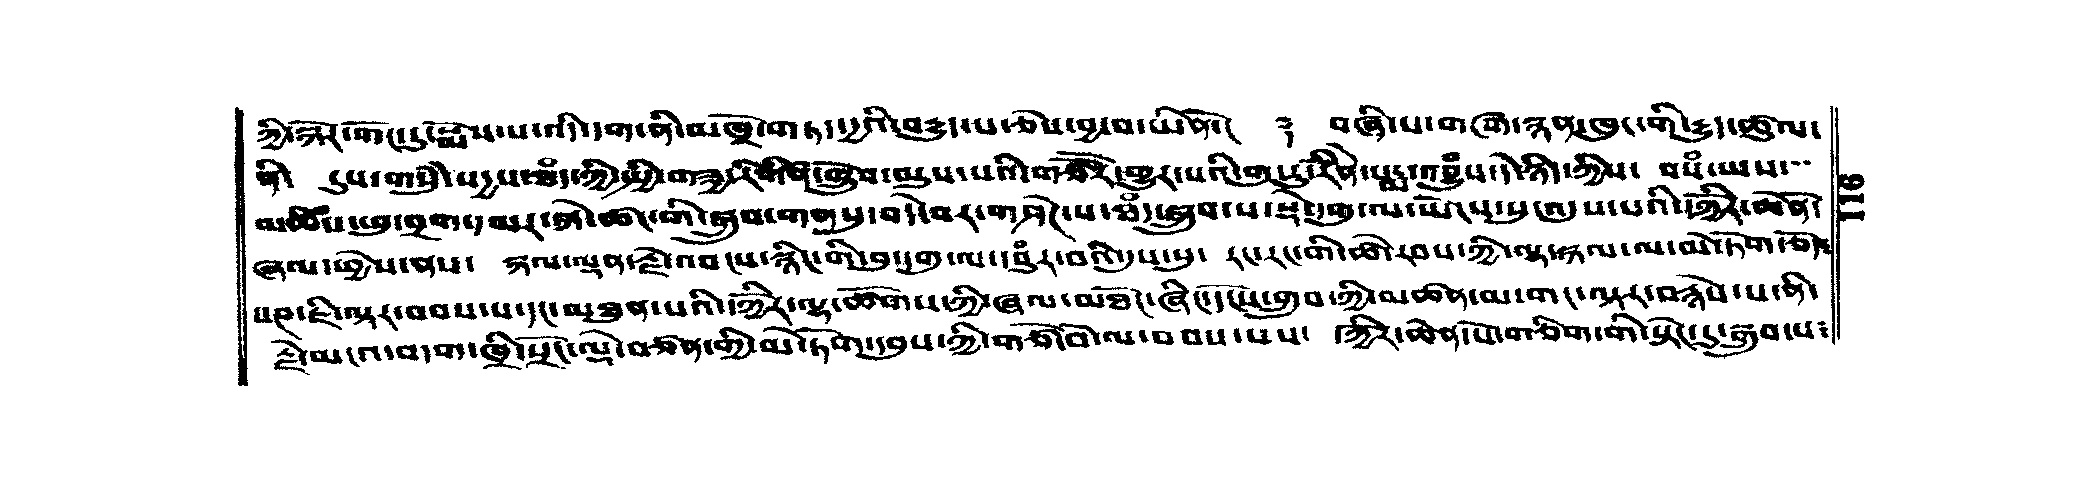ཀྱི་སྐོར་གོང་དུ་སྨོས་པ་འདི་དག་ནི་མཁའ་འགྲོ་གཏད་རྒྱའི་བརྒྱུད་པ་ཅེས་བྱ་བ་ཡིན་ནོ། ༈ བཞི་པ་གང་ཟག་སྙན་ཁུང་གི་རྒྱུད་ཚུལ་
ནི། དུས་གསུམ་སངས་རྒྱས་ཐམས་ཅད་ཀྱི་སྤྱི་གཟུགས་རིག་འཛིན་གྲུབ་ཐོབ་མུས་པའི་གཙོ་བོར་གྱུར་པའི་གུ་རུ་རིན་པོ་ཆེ་པདྨ་འབྱུང་གནས་དེ་ཉིད་ཀྱིས། བསམ་ཡས་
མཚིམས་ཕུ་བྲག་དམར་སྐེ་ཚང་གི་སྒྲུབ་གནས་སུ་བདེ་བར་གཤེགས་པ་ཐམས་ཅད་སྒྲུབ་པ་སྡེ་དགུ་ལ་ཡོངས་སུ་འདུས་པའི་དཀྱིལ་འཁོར་ཆེན་པོ་
ཞལ་ཕྱེས་ནས། སྐལ་ལྡན་རྗེ་འབངས་སྙིང་གི་བུ་དགུ་ལ་དབང་བསྐུར་བའི་དུས་སུ། རང་རང་གི་ཚེ་རབས་ཀྱི་ལྷ་སྐལ་ལ་མེ་ཏོག་ཅོད་
པཎ་ཇི་ལྟར་བབས་པ་དང་མཐུན་པའི་དཀྱིལ་འཁོར་ལྷ་ཚོགས་ཀྱི་ཞལ་མཐོང་ཞིང་དངོས་གྲུབ་ཀྱི་མཚན་མ་གང་ལྟར་བརྙེས་པ་ནི་
རྗེ་མངའ་དབག་ཁྲི་སྲོང་ལྡེ་བཙན་གྱི་མེ་ཏོག་དབུས་ཀྱི་གཙོ་བོ་ལ་བབས་པས། དཀྱིལ་འཁོར་ཆེན་པོ་གཅིག་གི་སྟེང་དུ་སྒྲུབ་པ་